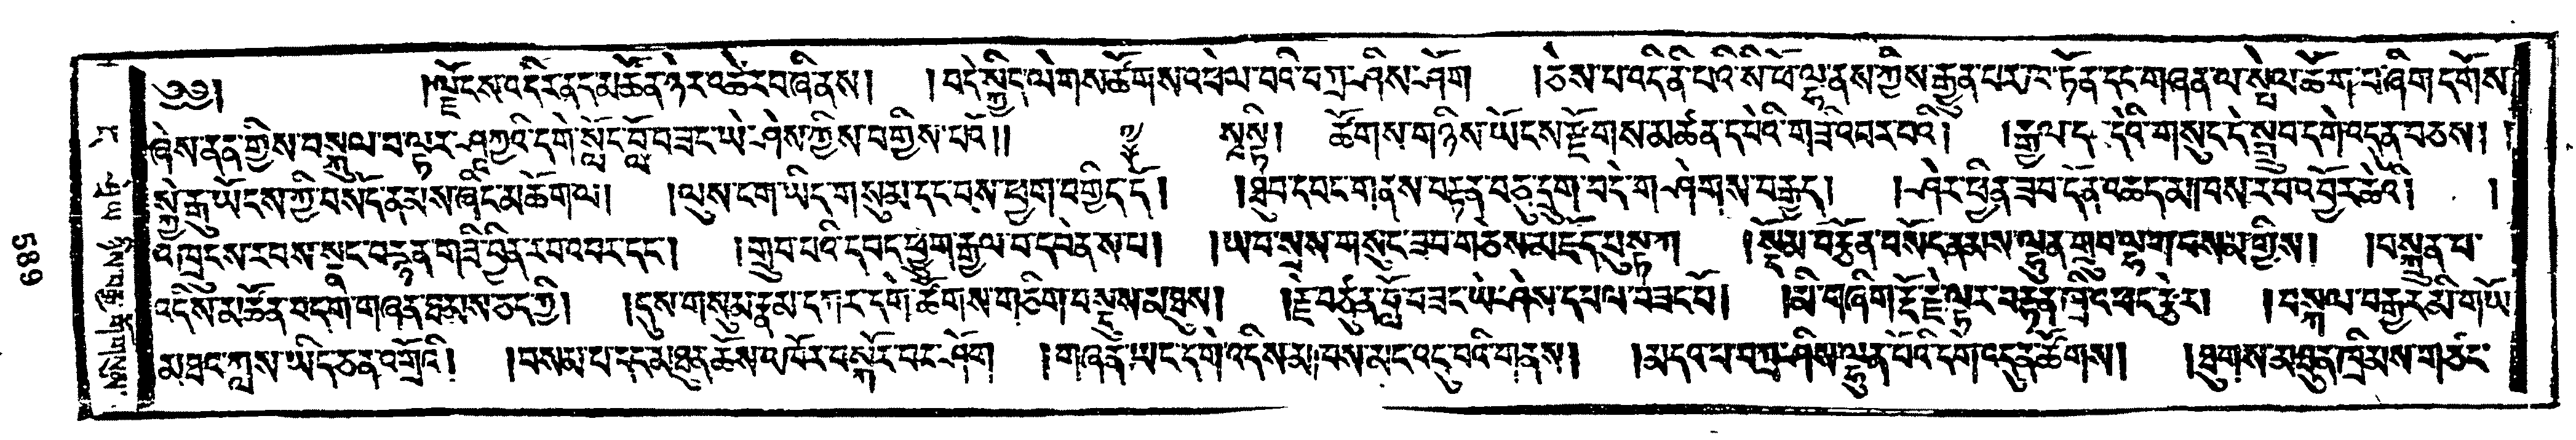༄༅། །ལྗོངས་འདིར་ནད་མཚོན་ཉེར་འཚེ་རབ་ཞི་ནས། །བདེ་སྐྱིད་ལེགས་ཚོགས་འཕེལ་པའི་བཀྲ་ཤིས་ཤོག །ཅེས་པ་འདི་ནི་པའི་སི་ཕོ་ལྷ་ནས་ཀྱིས་རྒྱུན་པར་ཁ་ཏོན་དང་གཞན་ལ་སྤེལ་ཆོག་པ་ཞིག་དགོས་
ཞེས་ནན་གྱིས་བསྐུལ་བ་ལྟར་ཤཱཀྱའི་དགེ་སློང་བློ་བཟང་ཡེ་ཤེས་ཀྱིས་བགྱིས་པའོ།། ༈ སྭ་སྟི། ཚོགས་གཉིས་ཡོངས་རྫོགས་མཚན་དཔེའི་གཟི་འབར་བའི། །རྒྱལ་དང་དེའི་གསུང་དེ་སྒྲུབ་དགེ་འདུན་བཅས། །
སྐྱེ་རྒུ་ཡོངས་ཀྱི་བསོད་ནམས་ཞིང་མཆོག་ལ། །ལུས་ངག་ཡིད་གསུམ་དང་བས་ཕྱག་བགྱིད་དོ། །ཐུབ་དབང་གནས་བརྟན་བཅུ་དྲུག་བདེ་གཤེགས་བརྒྱད། །ཤེར་ཕྱིན་ཟབ་དོན་འཆད་མཁས་རབ་འབྱོར་ཆེའི། །
འཁྲུངས་རབས་སྣང་བརྙན་གཟི་བྱིན་རབ་འབར་དང་། །གྲུབ་པའི་དབང་ཕྱུག་རྒྱལ་བ་དབེན་ས་པ། །ཡབ་སྲས་གསུང་ཟབ་གཅེས་མཇོད་པུ་སྟ་ཀ །སྡོམ་བཙོན་བསོད་ནམས་ལྷུན་གྲུབ་ལྷག་བསམ་གྱིས། །བསྐྲུན་པ་
འདིས་མཚོན་བདག་གཞན་ཐམས་ཅད་ཀྱི། །དུས་གསུམ་རྣམ་དཀར་དགེ་ཚོགས་གཅིག་བསྡུས་མཐུས། །རྗེ་བྪུན་བློ་ཟང་ཡེ་ཤེས་དཔལ་བཟང་པོ། །མི་གཞིག་རྡོ་རྗེ་ལྟར་བརྟན་ཁྲི་འཕང་རྩེར། །བསྐལ་བརྒྱར་མི་གཡོ་
མཐའ་ཀླས་ཡིད་ཅན་འགྲོའི། །བསམ་པ་དང་མཐུན་ཆོས་འཁོར་བསྐོར་བར་ཤོག །གཞན་ཡང་དགེ་འདིས་མཁས་མང་འདུ་བའི་གནས། །མདའ་པ་བཀྲ་ཤིས་ལྷུན་པོའི་དགེ་འདུན་ཚོགས། །ཐུགས་མཐུན་ཁྲིམས་གཙང་